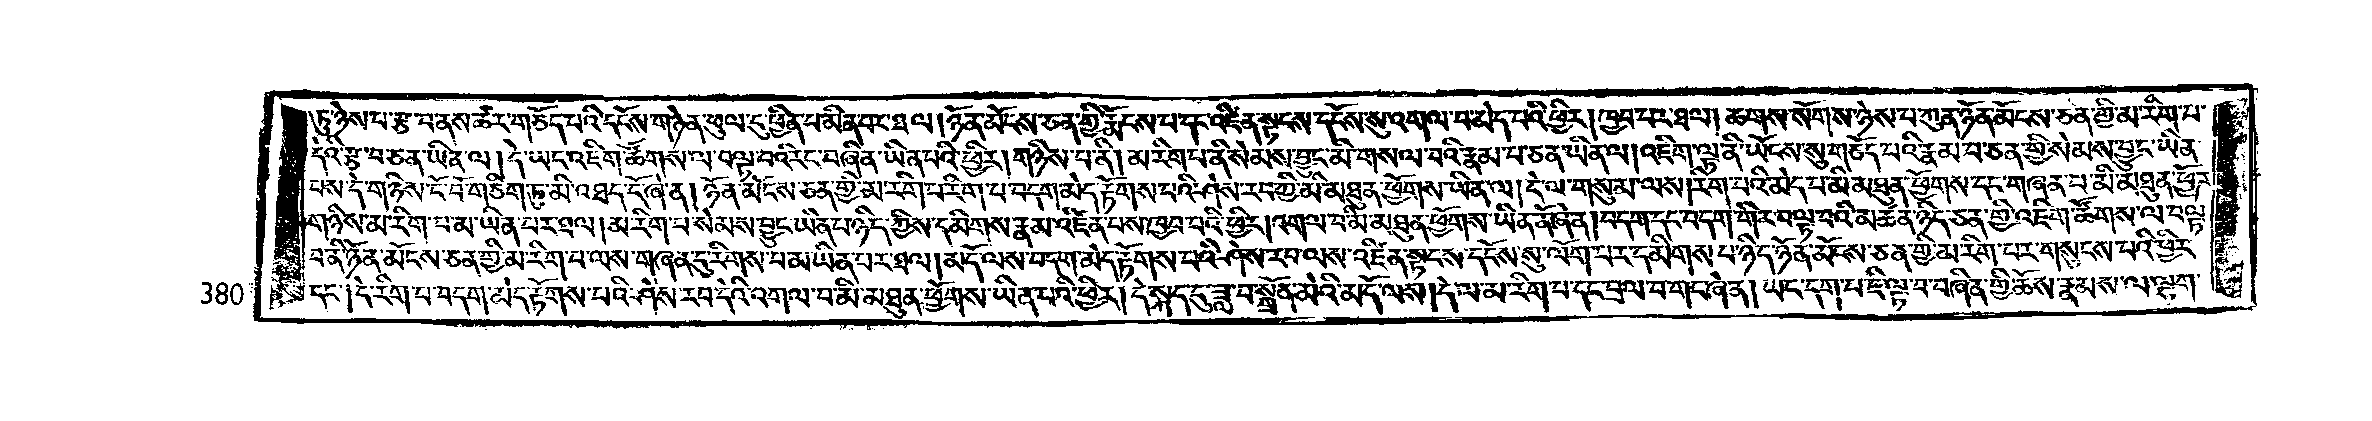ཏུ་ཉེས་པ་རྩ་བ་ནས་ཚར་གཅོད་པའི་དངོས་གཉེན་ཕུལ་དུ་ཕྱིན་པ་མིན་པར་ཐལ། ཉོན་མོངས་ཅན་གྱི་རྨོངས་པ་དང་འཛིན་སྟངས་དངོས་སུ་འགལ་བ་མེད་པའི་ཕྱིར། ཁྱབ་པར་ཐལ། ཆགས་སོགས་ཉེས་པ་ཀུན་ཉོན་མོངས་ཅན་གྱི་མ་རིག་པ་
དེའི་རྩ་བ་ཅན་ཡིན་ལ། དེ་ཡང་འཇིག་ཚོགས་ལ་བལྟ་བའི་རང་བཞིན་ཡིན་པའི་ཕྱིར། གཉིས་པ་ནི། མ་རིག་པ་ནི་སེམས་བྱུང་མི་གསལ་བའི་རྣམ་པ་ཅན་ཡིན་ལ། འཇིག་ལྟ་ནི་ཡོངས་སུ་གཅོད་པའི་རྣམ་པ་ཅན་གྱི་སེམས་བྱུང་ཡིན་
པས་དེ་གཉིས་ངོ་བོ་གཅིག་ཏུ་མི་འཐད་དོ་ཞེ་ན། ཉོན་མོངས་ཅན་གྱི་མ་རིག་པ་རིག་པ་བདག་མེད་རྟོགས་པའི་ཤེས་རབ་ཀྱི་མི་མཐུན་ཕྱོགས་ཡིན་ལ། དེ་ལ་གསུམ་ལས། རིག་པའི་མེད་པ་མི་མཐུན་ཕྱོགས་དང་གཞན་པ་མི་མཐུན་ཕྱོགས་
གཉིས་མ་རིག་པ་མ་ཡིན་པར་ཐལ། མ་རིག་པ་སེམས་བྱུང་ཡིན་པ་ཉིད་ཀྱིས་དམིགས་རྣམ་འཛིན་པས་ཁྱབ་པའི་ཕྱིར། འགལ་བ་མི་མཐུན་ཕྱོགས་ཡིན་ནོ་ཞེ་ན། བདག་དང་བདག་གིར་བལྟ་བའི་མཚན་ཉིད་ཅན་གྱི་འཇིག་ཚོགས་ལ་བལྟ་
བ་ནི་ཉོན་མོངས་ཅན་གྱི་མ་རིག་པ་ལས་གཞན་དུ་རིག་པ་མ་ཡིན་པར་ཐལ། མདོ་ལས་བདག་མེད་རྟོགས་པའི་ཤེས་རབ་ལས་འཛིན་སྟངས་དངོས་སུ་ལོག་པར་དམིགས་པ་ཉིད་ཉོན་མོངས་ཅན་གྱི་མ་རིག་པར་གསུངས་པའི་ཕྱིར་
དང་། དེ་རིག་པ་བདག་མེད་རྟོགས་པའི་ཤེས་རབ་དེའི་འགལ་བ་མི་མཐུན་ཕྱོགས་ཡིན་པའི་ཕྱིར། དེ་སྐད་དུ་ཟླ་བ་སྒྲོན་མེའི་མདོ་ལས། དེ་ལ་མ་རིག་པ་དང་བྲལ་བ་གང་ཞེ་ན། ཡང་དག་པ་ཇི་ལྟ་བ་བཞིན་གྱི་ཆོས་རྣམས་ལ་ལྷག་